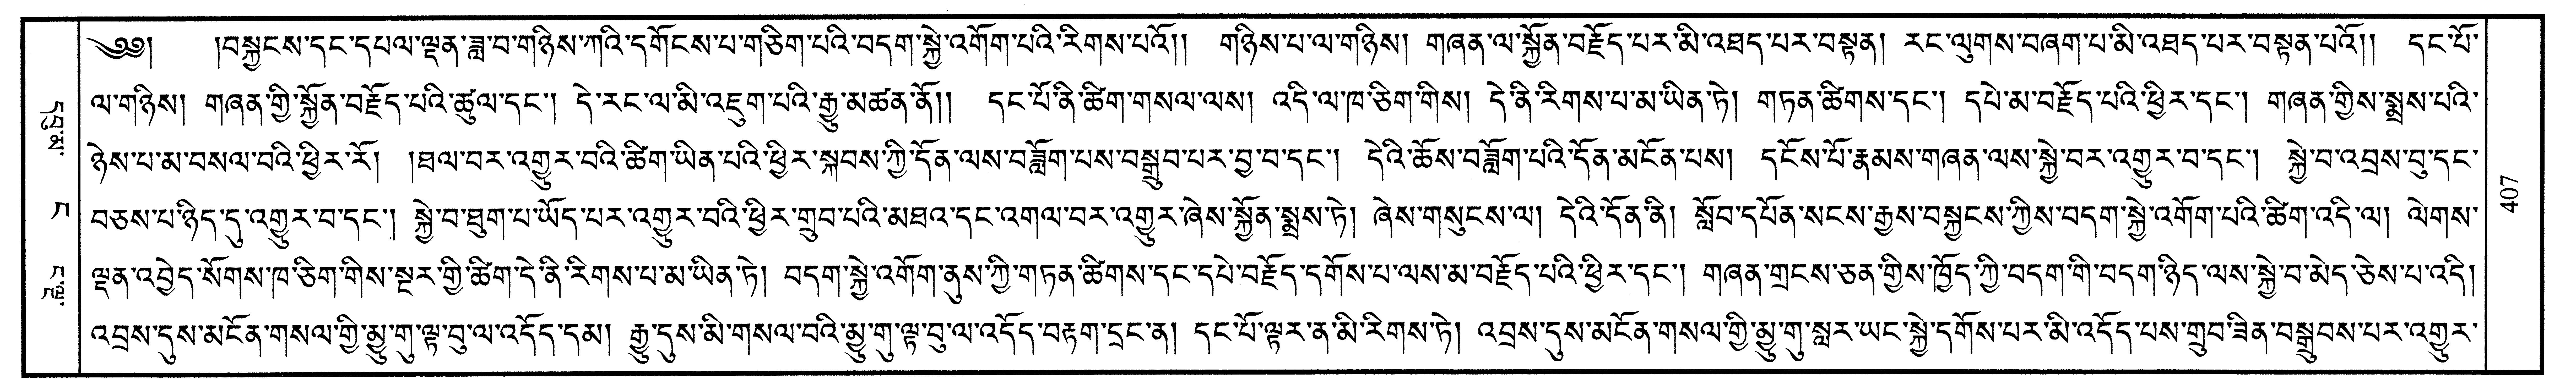༄༅། །བསྐྱངས་དང་དཔལ་ལྡན་ཟླ་བ་གཉིས་ཀའི་དགོངས་པ་གཅིག་པའི་བདག་སྐྱེ་འགོག་པའི་རིགས་པའོ།། གཉིས་པ་ལ་གཉིས། གཞན་ལ་སྐྱོན་བརྗོད་པར་མི་འཐད་པར་བསྟན། རང་ལུགས་བཞག་པ་མི་འཐད་པར་བསྟན་པའོ།། དང་པོ་
ལ་གཉིས། གཞན་གྱི་སྐྱོན་བརྗོད་པའི་ཚུལ་དང་། དེ་རང་ལ་མི་འཇུག་པའི་རྒྱུ་མཚན་ནོ།། དང་པོ་ནི་ཚིག་གསལ་ལས། འདི་ལ་ཁ་ཅིག་གིས། དེ་ནི་རིགས་པ་མ་ཡིན་ཏེ། གཏན་ཚིགས་དང་། དཔེ་མ་བརྗོད་པའི་ཕྱིར་དང་། གཞན་གྱིས་སྨྲས་པའི་
ཉེས་པ་མ་བསལ་བའི་ཕྱིར་རོ། །ཐལ་བར་འགྱུར་བའི་ཚིག་ཡིན་པའི་ཕྱིར་སྐབས་ཀྱི་དོན་ལ་བཟློག་པས་བསྒྲུབ་པར་བྱ་བ་དང་། དེའི་ཆོས་བཟློག་པའི་དོན་མངོན་པས། དངོས་པོ་རྣམས་གཞན་ལས་སྐྱེ་བར་འགྱུར་བ་དང་། སྐྱེ་བ་འབྲས་བུ་དང་
བཅས་པ་ཉིད་དུ་འགྱུར་བ་དང་། སྐྱེ་བ་ཐུག་པ་ཡོད་པར་འགྱུར་བའི་ཕྱིར་གྲུབ་པའི་མཐའ་དང་འགལ་བར་འགྱུར་ཞེས་སྐྱོན་སྨྲས་ཏེ། ཞེས་གསུངས་ལ། དེའི་དོན་ནི། སློབ་དཔོན་སངས་རྒྱས་བསྐྱངས་ཀྱིས་བདག་སྐྱེ་འགོག་པའི་ཚིག་འདི་ལ། ལེགས་
ལྡན་འབྱེད་སོགས་ཁ་ཅིག་གིས་སྔར་གྱི་ཚིག་དེ་ནི་རིགས་པ་མ་ཡིན་ཏེ། བདག་སྐྱེ་འགོག་ནུས་ཀྱི་གཏན་ཚིགས་དང་དཔེ་བརྗོད་དགོས་པ་ལས་མ་བརྗོད་པའི་ཕྱིར་དང་། གཞན་གྲངས་ཅན་གྱིས་ཁྱོད་ཀྱི་བདག་གི་བདག་ཉིད་ལས་སྐྱེ་བ་མེད་ཅེས་པ་འདི།
འབྲས་དུས་མངོན་གསལ་གྱི་མྱུ་གུ་ལྟ་བུ་ལ་འདོད་དམ། རྒྱུ་དུས་མི་གསལ་བའི་མྱུ་གུ་ལྟ་བུ་ལ་འདོད་བརྟག་དྲང་ན། དང་པོ་ལྟར་ན་མི་རིགས་ཏེ། འབྲས་དུས་མངོན་གསལ་གྱི་མྱུ་གུ་སླར་ཡང་སྐྱེ་དགོས་པར་མི་འདོད་པས་གྲུབ་ཟིན་བསྒྲུབས་པར་འགྱུར་